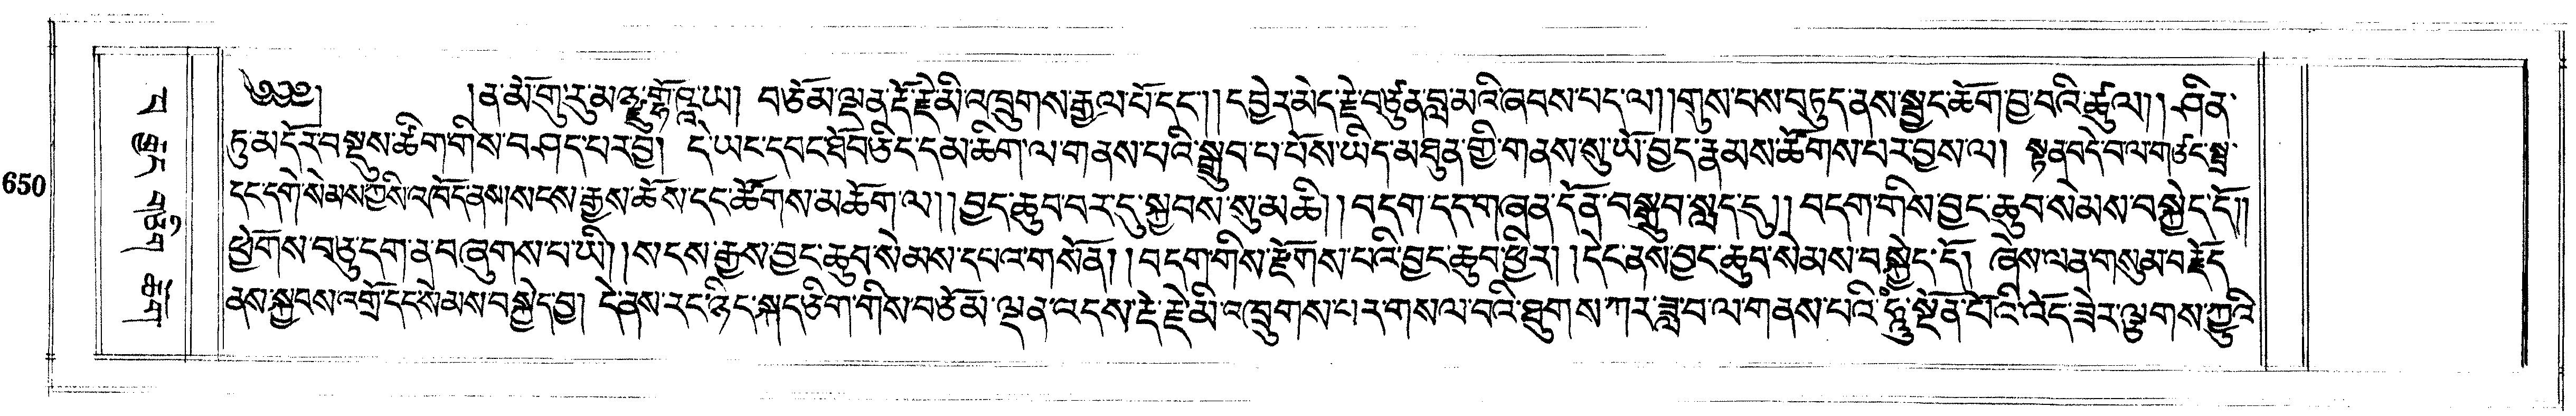༄༅༅། །ན་མོ་གུ་རུ་མཉྫུ་གྷོ་ཥཱ་ཡ། བཅོམ་ལྡན་རྡོ་རྗེ་མི་འཁྲུགས་རྒྱལ་པོ་དང་། །དབྱེར་མེད་རྗེ་བཙུན་བླ་མའི་ཞབས་པད་ལ། །གུས་པས་བཏུད་ནས་སྦྱང་ཆོག་བྱ་བའི་ཚུལ། །ཤིན་
ཏུ་མདོར་བསྡུས་ཚིག་གིས་བཤད་པར་བྱ། དེ་ཡང་དབང་ཐོབ་ཅིང་དམ་ཚིག་ལ་གནས་པའི་སྒྲུབ་པ་པོས་ཡིད་མཐུན་གྱི་གནས་སུ་ཡོ་བྱད་རྣམས་ཚོགས་པར་བྱས་ལ། སྟན་བདེ་བ་ལ་གཙང་སྦྲ་
དང་དགེ་སེམས་ཀྱིས་འཁོད་ནས། སངས་རྒྱས་ཆོས་དང་ཚོགས་མཆོག་ལ། །བྱང་ཆུབ་བར་དུ་སྐྱབས་སུ་མཆི། །བདག་དང་གཞན་དོན་བསྒྲུབ་སླད་དུ། །བདག་གིས་བྱང་ཆུབ་སེམས་བསྐྱེད་དོ།། ཕྱོགས་བཅུ་དག་ན་བཞུགས་པ་ཡི། །སངས་རྒྱས་བྱང་ཆུབ་སེམས་དཔའ་གསོན། །བདག་གིས་རྫོགས་པའི་བྱང་ཆུབ་ཕྱིར། །དེང་ནས་བྱང་ཆུབ་སེམས་བསྐྱེད་དོ། ཞེས་ལན་གསུམ་བརྗོད་
ནས་སྐྱབས་འགྲོ་དང་སེམས་བསྐྱེད་བྱ། དེ་ནས་རང་ཉིད་སྐད་ཅིག་གིས་བཅོམ་ལྡན་འདས་རྡོ་རྗེ་མི་འཁྲུགས་པར་གསལ་བའི་ཐུགས་ཀར་ཟླ་བ་ལ་གནས་པའི་ཧཱུཾ་སྔོན་པོའི་འོད་ཟེར་ལྕགས་ཀྱུའི་